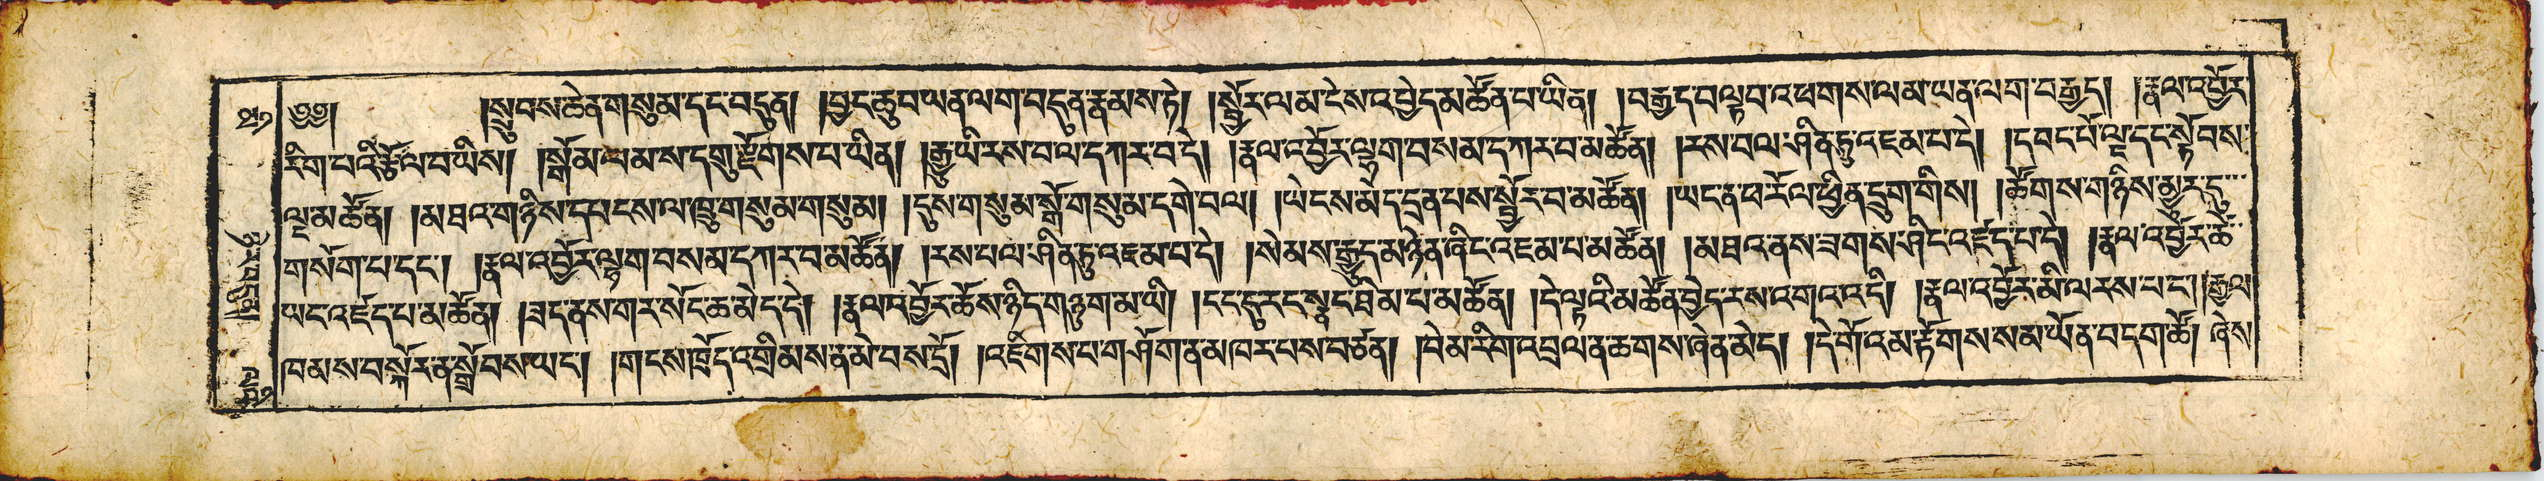སྲུབས་ཆེན་གསུམ་དང་བདུན། །བྱང་ཆུབ་ཡན་ལག་བདུན་རྣམས་ཏེ། །སྦྱོར་ལམ་ངེས་འབྱེད་མཚོན་པ་ཡིན། །བརྒྱད་བལྟབ་འཕགས་ལམ་ལན་ལག་བརྒྱད། །རྣལ་འབྱོར
་རིག་པའི་རྩོལ་བ་ཡིས། །སྒོམ་ལམ་ས་དགུ་རྫོགས་པ་ཡིན། །རྒྱ་ཡི་རས་བལ་དཀར་བ་དེ། །རྣལ་འབྱོར་ལྷག་བསམ་དཀར་བ་མཚོན། །རས་བལ་ཤིན་ཏུ་འཇམ་པ་དེ། །དབང་པོ་ལྔ་དང་སྟོབས་
ལྔ་མཚོན། །མཐའ་གཉིས་དཔངས་ལ་ཁྲུ་གསུམ་གསུམ། །དུས་གསུམ་སྒོ་གསུམ་དགེ་བ་ལ། །ཡེངས་མེད་དྲན་པས་སྦྱོར་བ་མཚོན། །ཡང་ན་ཕ་རོལ་ཕྱིན་དྲུག་གིས། །ཚོགས་གཉིས་མྱུར་དུ་
གསོག་པ་དང་། །རྣལ་འབྱོར་ལྷག་བསམ་དཀར་བ་མཚོན། །རས་བལ་ཤིན་ཏུ་འཇམ་པ་དེ། །སེམས་རྒྱུད་མཉེན་ཞིང་འཇམ་པ་མཚོན། །མཐའ་ནས་ཟགས་ཤིང་འཛད་པ་དེ། །རྣལ་འབྱོར་ཚེ་
ཡང་འཛད་པ་མཚོན། །ཟད་ནས་གར་སོང་ཆ་མེད་དེ། །རྣལ་འབྱོར་ཆོས་ཉིད་གཉུག་མ་ཡི། །ངང་དུརང་སྣང་ཐིམ་པ་མཚོན། །དེ་ལྟའི་མཚོན་བྱེད་རས་འགའ་འདི། །རྣལ་འབྱོར་མི་ལ་རས་པ་ང་། །རྒྱལ་
ཁམས་བསྐོར་ན་སྒྲོ་བས་ཡང་། །གངས་ཁྲོད་འཁྲིམས་ན་མེ་བས་དྲོ། །འཇིགས་པ་གཤོག་ན་མཁར་བས་བཙན། །བེམ་རིག་འབྲལ་ན་ཆགས་ཞེན་མེད། །དེ་གོ་འམ་རྟོགས་སམ་ཡོན་བདག་ཚོ། །ཞེས་